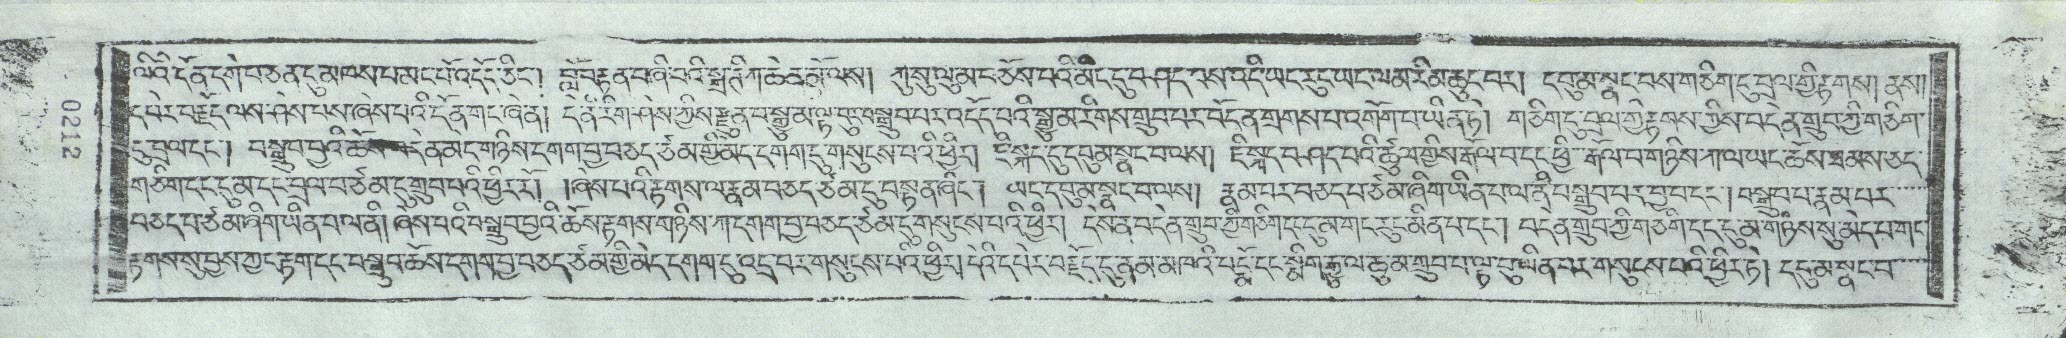ལིའི་དོན་དགེ་བ་ཅན་དུ་མཁས་པ་མང་པོ་འདོད་ཅིང་། བློ་བརྟན་བཞི་པའི་སྒྲ་ཊིཀ་ཆེན་མོ་ལས། ཀུ་སུ་ལུ་མ་བཅོས་པའི་མིང་དུ་བཤད་པས་འདི་ཡང་རུང་ཡང་ལམ་རིམ་ཆུང་བར། དབུ་མ་སྣང་བས་གཅིག་དུ་བྲལ་གྱི་རྟགས། ནས།
དཔེར་བརྗོད་ལས་ཤེས་པས་ཞེས་པའི་དོན་གང་ཞེ་ན། དེ་ནི་རིག་ཤེས་ཀྱིས་རྫུན་པ་སྒྱུ་མ་ལྟ་བུར་བསྒྲུབ་པར་འདོད་པའི་སྒྱུ་མ་རིགས་གྲུབ་པར་བོད་ན་གྲགས་པ་འགོག་པ་ཡིན་ཏེ། གཅིག་དུ་བྲལ་གྱི་རྟགས་ཀྱིས་བདེན་གྲུབ་ཀྱི་གཅིག་
དུ་བྲལ་དང་། བསྒྲུབ་བྱའི་ཆོས་བདེན་མེད་གཉིས་དགག་བྱ་བཅད་ཙམ་གྱི་མེད་དགག་དུ་གསུངས་པའི་ཕྱིར། ཇི་སྐད་དུ་དབུ་མ་སྣང་བ་ལས། ཇི་སྐད་བཤད་པའི་ཚུལ་གྱིས་རྒོལ་བ་དང་ཕྱི་རྒོལ་བ་གཉིས་ཀ་ལ་ཡང་ཆོས་ཐམས་ཅད་
གཅིག་དང་དུ་མ་དང་བྲལ་བ་ཙམ་དུ་གྲུབ་པའི་ཕྱིར་རོ། །ཞེས་པའི་རྟགས་ལ་རྣམ་བཅད་ཙམ་དུ་བསྟན་ཞིང་། ཡང་དབུ་མ་སྣང་བ་ལས། རྣམ་པར་བཅད་པ་ཙམ་ཞིག་ཡིན་པ་ལ་ནི་བསྒྲུབ་པར་བྱ་བ་དང་། བསྒྲུབ་པ་རྣམ་པར་
བཅད་པ་ཙམ་ཞིག་ཡིན་པ་ལ་ནི། ཞེས་པའི་བསྒྲུབ་བྱའི་ཆོས་རྟགས་གཉིས་ཀ་དགག་བྱ་བཅད་ཙམ་དུ་གསུངས་པའི་ཕྱིར། དེས་ན་བདེན་གྲུབ་ཀྱི་གཅིག་དང་དུ་མ་གང་རུང་མིན་པ་དང་། བདེན་གྲུབ་ཀྱི་གཅིག་དང་དུ་མ་གཉིས་སུ་མེད་པ་གང་
རྟགས་སུ་བྱས་ཀྱང་རྟག་དང་བསྒྲུབ་ཆོས་དགག་བྱ་བཅད་ཙམ་གྱི་མེད་དགག་དུ་འདྲ་བར་གསུངས་པའི་ཕྱིར། དེའི་དཔེར་བརྗོད་དུ་ནམ་མཁའི་པདམོ་དང་སྨིག་རྒྱུ་ལ་ཆུ་མ་གྲུབ་པ་ལྟ་བུ་ཡིན་པར་གསུངས་པའི་ཕྱིར་ཏེ། དབུ་མ་སྣང་བ་